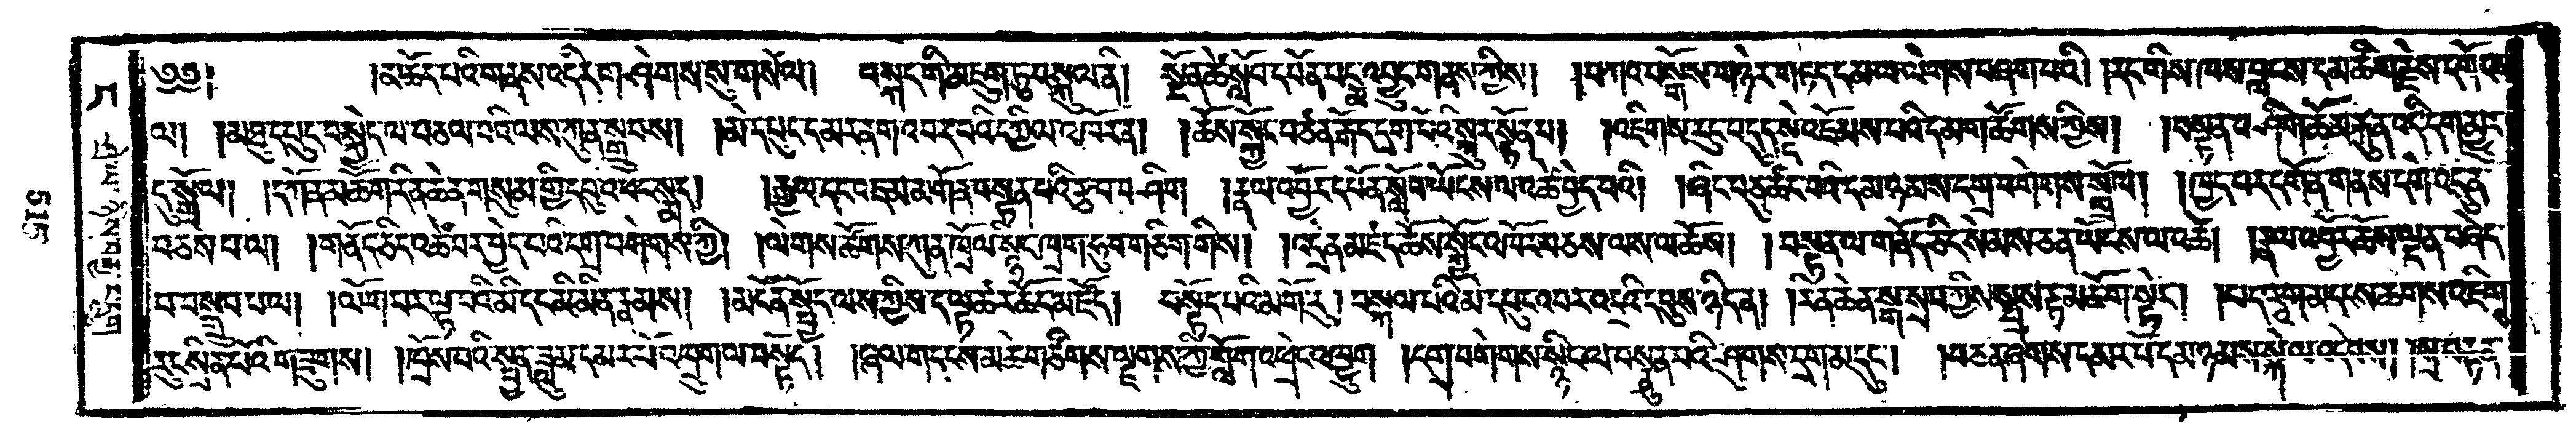༄༅། །མཆོད་པའི་གནས་འདིར་གཤེགས་སུ་གསོལ། བསྐང་གི་མཇུག་ཏུ་བསྐུལ་ནི། སྔོན་ཚེ་སློབ་དཔོན་པདམ་འབྱུང་གནས་ཀྱིས། །བཀའ་བསྒོས་གཉེར་གཏད་དམ་ལ་ལེགས་བཞག་པའི། །རང་གིས་ཁས་བླངས་དམ་ཚིག་རྗེས་དགོངས་
ལ། །མཐུ་དཔུང་བསྐྱེད་ལ་བཅལ་བའི་ལས་ཀུན་སྒྲུབས། །མེ་དཔུང་དམར་ནག་འབར་བའི་དཀྱིལ་འཁོར་ན། །ཆོས་སྐྱོང་བཙན་རྒོད་དྲག་པོའི་སྐུར་སྟོན་པ། །འཇིགས་རུང་བདུད་སྡེ་འཇོམས་པའི་དམག་ཚོགས་ཀྱིས། །བསྟན་བཤིག་ཆོམ་རྐུན་འདི་དག་མྱུར་
དུ་སྒྲོལ། །དཀོན་མཆོག་རིན་ཆེན་གསུམ་གྱི་དབུ་འཕང་སྨད། །རྒྱལ་དང་འཇམ་མགོན་བསྟན་པའི་རྩབ་བཤིག །རྣལ་འབྱོར་དཔོན་སློབ་ཡོངས་ལ་འཚེ་བྱེད་པའི། །ཞིང་བཅུ་ཚང་བའི་དམ་ཉམས་དགྲ་བགེགས་སྒྲོལ། །ཁྱད་པར་དགོན་གནས་དགེ་འདུན་
བཅས་པ་ལ། །གནོད་ཅིང་འཚེ་བར་བྱེད་པའི་དགྲ་བགེགས་ཀྱི། །ལེགས་ཚོགས་ཀུན་ཁྲོལ་སྙིང་ཁྲག་ཧུབ་གཅིག་གིས། །འདྲེན་མཛད་ཆོས་སྐྱོང་འཁོར་བཅས་ལས་ལ་ཆོས། །བསྟན་ལ་གནོད་ཅིང་སེམས་ཅན་ཡོངས་ལ་འཚེ། །རྣལ་འབྱོར་ཆོས་ལྡན་བཞེད་
བ་བསྒྲུབ་པ་ལ། །ལོག་པར་ལྟ་བའི་མི་དང་མི་མིན་རྣམས། །མངོན་སྤྱོད་ལས་ཀྱིས་ད་ལྟ་ཚར་ཆོད་མཛོད། །བསྟོད་པའི་མགོ་རུ། །བསྐལ་པའི་མེ་དཔུང་འབར་འདྲའི་དབུས་ཉིད་ན། །རིན་ཆེན་སྒ་སྲབ་ཀྱིས་སྤྲས་རྟ་མཆོག་སྟེང་། །པད་རཱག་མདངས་ཆགས་འཇིགས་
རུང་སྲིན་པོའི་གཟུགས། །ཁྲོས་པའི་སྤྱན་ཟླུམ་དམར་པོ་འཁྲུག་ལ་བསྟོད། །ཞལ་གདངས་མཆེ་གཙིགས་ལྗགས་ཀྱི་གློག་འཕྲེང་འཁྱུག །དགྲ་བགེགས་སྙིང་ལ་བསྣུན་པའི་ཤུགས་དྲག་མདུང་། །བཅན་ཞགས་དམར་པོ་དམ་ཉམས་སྐྱེ་ལ་འདེབས། །སྲ་བརྟན་